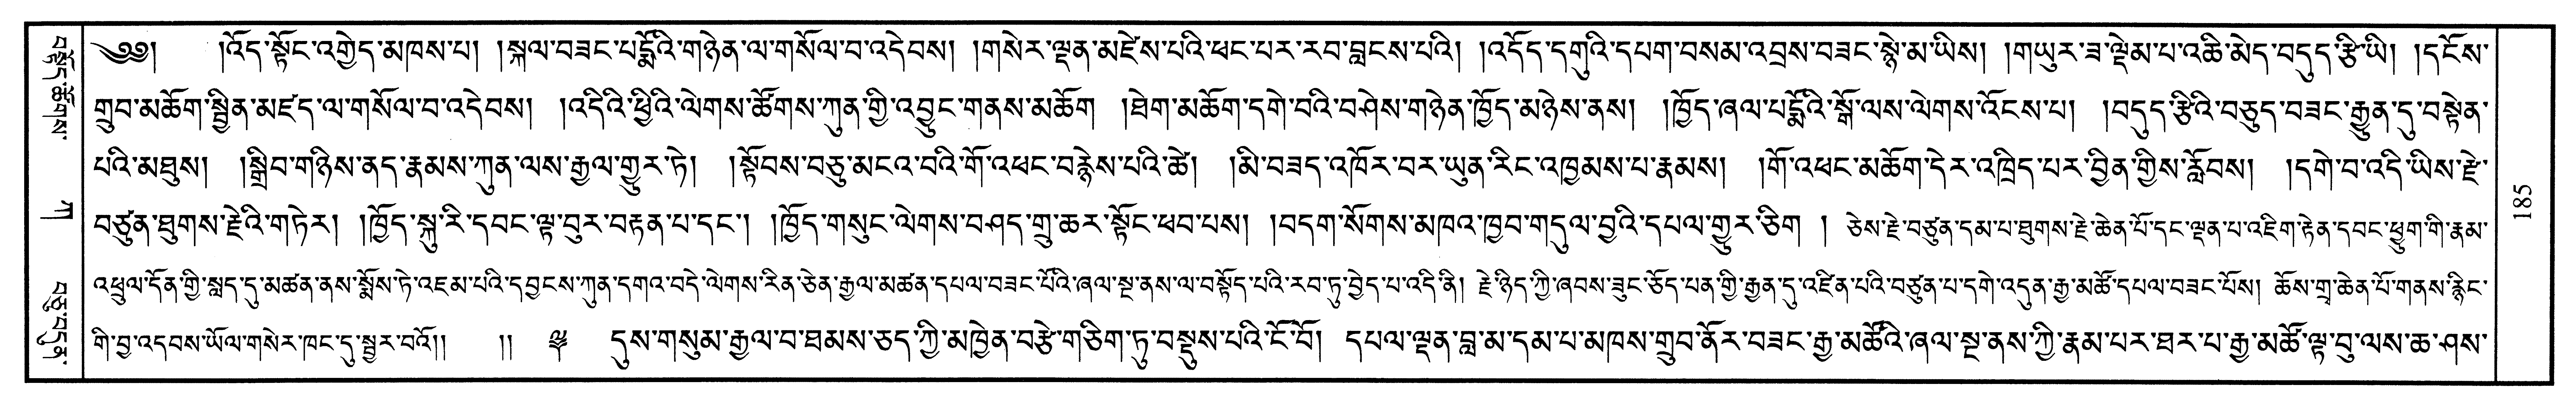༄༅། །འོད་སྟོང་འགྱེད་མཁས་པ། །སྐལ་བཟང་པདམོའི་གཉེན་ལ་གསོལ་བ་འདེབས། །གསེར་ལྡན་མཛེས་པའི་ཕང་པར་རབ་བླངས་པའི། །འདོད་དགུའི་དཔག་བསམ་འབྲས་བཟང་སྙེ་མ་ཡིས། །གཡུར་ཟ་ལྡེམ་པ་འཆི་མེད་བདུད་རྩི་ཡི། །དངོས་
གྲུབ་མཆོག་སྦྱིན་མཛད་ལ་གསོལ་བ་འདེབས། །འདིའི་ཕྱིའི་ལེགས་ཚོགས་ཀུན་གྱི་འབྱུང་གནས་མཆོག །ཐེག་མཆོག་དགེ་བའི་བཤེས་གཉེན་ཁྱོད་མཉེས་ནས། །ཁྱོད་ཞལ་པདམོའི་སྒོ་ལས་ལེགས་འོངས་པ། །བདུད་རྩིའི་བཅུད་བཟང་རྒྱུན་དུ་བསྟེན་
པའི་མཐུས། །སྒྲིབ་གཉིས་ནད་རྣམས་ཀུན་ལས་རྒྱལ་གྱུར་ཏེ། །སྟོབས་བཅུ་མངའ་བའི་གོ་འཕང་བརྙེས་པའི་ཚེ། །མི་བཟད་འཁོར་བར་ཡུན་རིང་འཁྱམས་པ་རྣམས། །གོ་འཕང་མཆོག་དེར་འཁྲིད་པར་བྱིན་གྱིས་རློབས། །དགེ་བ་འདི་ཡིས་རྫེ་
བཙུན་ཐུགས་རྗེའི་གཏེར། །ཁྱོད་སྐུ་རི་དབང་ལྟ་བུར་བརྟན་པ་དང་། །ཁྱོད་གསུང་ལེགས་བཤད་གྲུ་ཆར་སྟོང་ཕབ་པས། །བདག་སོགས་མཁའ་ཁྱབ་གདུལ་བྱའི་དཔལ་གྱུར་ཅིག། ཅེས་རྗེ་བཙུན་དམ་པ་ཐུགས་རྗེ་ཆེན་པོ་དང་ལྡན་པ་འཇིག་རྟེན་དབང་ཕྱུག་གི་རྣམ་
འཕྲུལ་དོན་གྱི་སླད་དུ་མཚན་ནས་སྨོས་ཏེ་འཇམ་པའི་དབྱངས་ཀུན་དགའ་བདེ་ལེགས་རིན་ཅེན་རྒྱལ་མཚན་དཔལ་བཟང་པོའི་ཞལ་སྔ་ནས་ལ་བསྟོད་པའི་རབ་ཏུ་བྱེད་པ་འདི་ནི། རྗེ་ཉིད་ཀྱི་ཞབས་ཟུང་ཅོད་པན་གྱི་རྒྱན་དུ་འཛིན་པའི་བཙུན་པ་དགེ་འདུན་རྒྱ་མཚོ་དཔལ་བཟང་པོས། ཆོས་གྲྭ་ཆེན་པོ་གནས་རྙིང་
གི་བྱ་འདབས་ཡོལ་གསེར་ཁང་དུ་སྦྱར་བའོ།། །།༈ དུས་གསུམ་རྒྱལ་བ་ཐམས་ཅད་ཀྱི་མཁྱེན་བརྩེ་གཅིག་ཏུ་བསྡུས་པའི་ངོ་བོ། དཔལ་ལྡན་བླ་མ་དམ་པ་མཁས་གྲུབ་ནོར་བཟང་རྒྱ་མཚོའི་ཞལ་སྔ་ནས་ཀྱི་རྣམ་པར་ཐར་པ་རྒྱ་མཚོ་ལྟ་བུ་ལས་ཆ་ཤས་